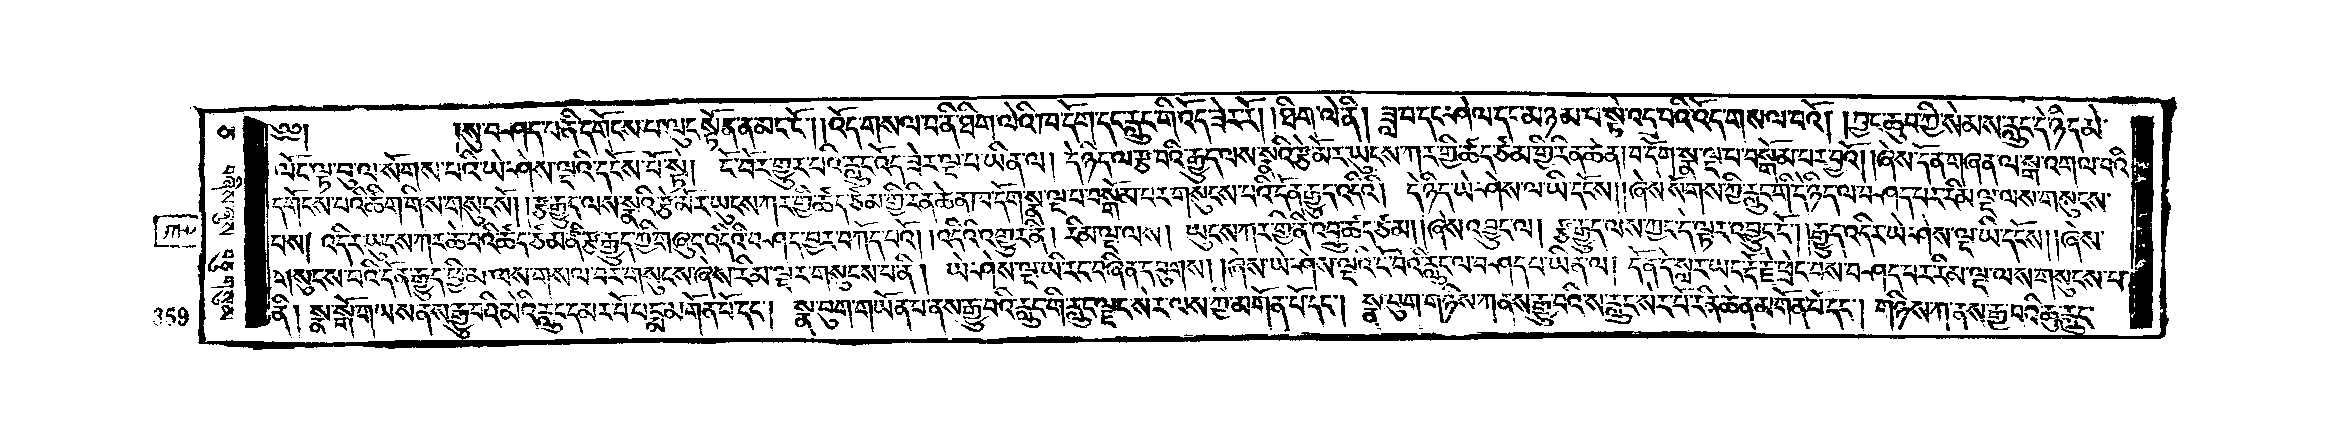༄༅། །སུ་བཤད་པ་ནི་དགོངས་པ་ལུང་སྟོན་ན་མང་ངོ། །འོད་གསལ་བ་ནི་ཐིག་ལེའི་ཁ་དོག་དང་རླུང་གི་འོད་ཟེར་རོ། །ཐིག་ལེ་ནི། ཟླ་བ་དང་ཤེལ་དང་མཉམ་པ་སྟེ་འདྲ་བའི་འོད་གསལ་བའོ། །བྱང་ཆུབ་ཀྱི་སེམས་རླུང་དེ་ཉིད་མེ་
ལོང་ལྟ་བུ་ལ་སོགས་པའི་ཡེ་ཤེས་ལྔའི་དངོས་པོ་སྟེ། ངོ་བོར་གྱུར་པའི་རླུང་འོད་ཟེར་ལྔ་པ་ཡིན་ལ། དེ་ཉིད་ལ་རྩ་བའི་རྒྱུད་ལས་སྣའི་རྩེ་མོར་ཡུངས་ཀར་གྱི་ཚད་ཙམ་གྱི་རིན་ཆེན་ཁ་དོག་སྣ་ལྔ་པ་བསྒོམ་པར་བྱའོ། །ཞེས་དོན་གཞན་ལ་སྒྲ་འགལ་བའི་
དགོངས་པའི་ཚིག་གིས་གསུངས་སོ། །རྩ་རྒྱུད་ལས་སྣའི་རྩེ་མོར་ཡུངས་ཀར་གྱི་ཚད་ཙམ་གྱི་རིན་ཆེན་ཁ་དོག་སྣ་ལྔ་པ་བསྒོམ་པར་གསུངས་པའི་དོན་རྒྱུད་འདིའི། དེ་ཉིད་ཡེ་ཤེས་ལ་ཡི་དངོས། །ཞེས་སོགས་ཀྱི་རླུང་གི་དེ་ཉིད་ལ་བཤད་པར་རིམ་ལྔ་ལས་གསུངས་
པས། འདིར་ཡུངས་ཀར་ཆེ་བའི་ཚད་ཙམ་ནི་རྩ་རྒྱུད་ཀྱི་གཞུང་འདིའི་བཤད་བྱར་བཀོད་པའོ། །འདིའི་འགྱུར་ནི། རིམ་ལྔ་ལས། ཡུངས་ཀར་གྱི་ནི་འབྲུ་ཚད་ཙམ། །ཞེས་འབྱུང་ལ། རྩ་རྒྱུད་ལས་ཀྱང་དེ་ལྟར་འབྱུང་ངོ། །རྒྱུད་འདིར་ཡེ་ཤེས་ལྔ་ཡི་དངོས། །ཞེས་
གསུངས་པའི་དོན་རྒྱུད་ཕྱི་མ་ལས་གསལ་བར་གསུངས་ཞེས་རིམ་ལྔར་གསུངས་པ་ནི། ཡེ་ཤེས་ལྔ་ཡི་རང་བཞིན་དབུགས། །ཞེས་ཡེ་ཤེས་ལྔའི་ངོ་བོའི་རླུང་ལ་བཤད་པ་ཡིན་ལ། དོན་དེ་སླར་ཡང་རྡོ་རྗེ་ཕྲེང་བས་བཤད་པར་རིམ་ལྔ་ལས་གསུངས་པ་
ནི། སྣ་སྒོ་གཡས་ནས་རྒྱུ་བའི་མེའི་རླུང་དམར་པོ་པདམ་མགོན་པོ་དང་། སྣ་བུག་གཡོན་པ་ནས་རྒྱུ་བའི་རླུང་གི་རླུང་ལྗང་སེར་ལས་ཀྱི་མགོན་པོ་དང་། སྣ་བུག་གཉིས་ཀ་ནས་རྒྱུ་བའི་ས་རླུང་སེར་པོ་རིན་ཆེན་མགོན་པོ་དང་། གཉིས་ཀ་ནས་རྒྱུ་བའི་ཆུ་རླུང་